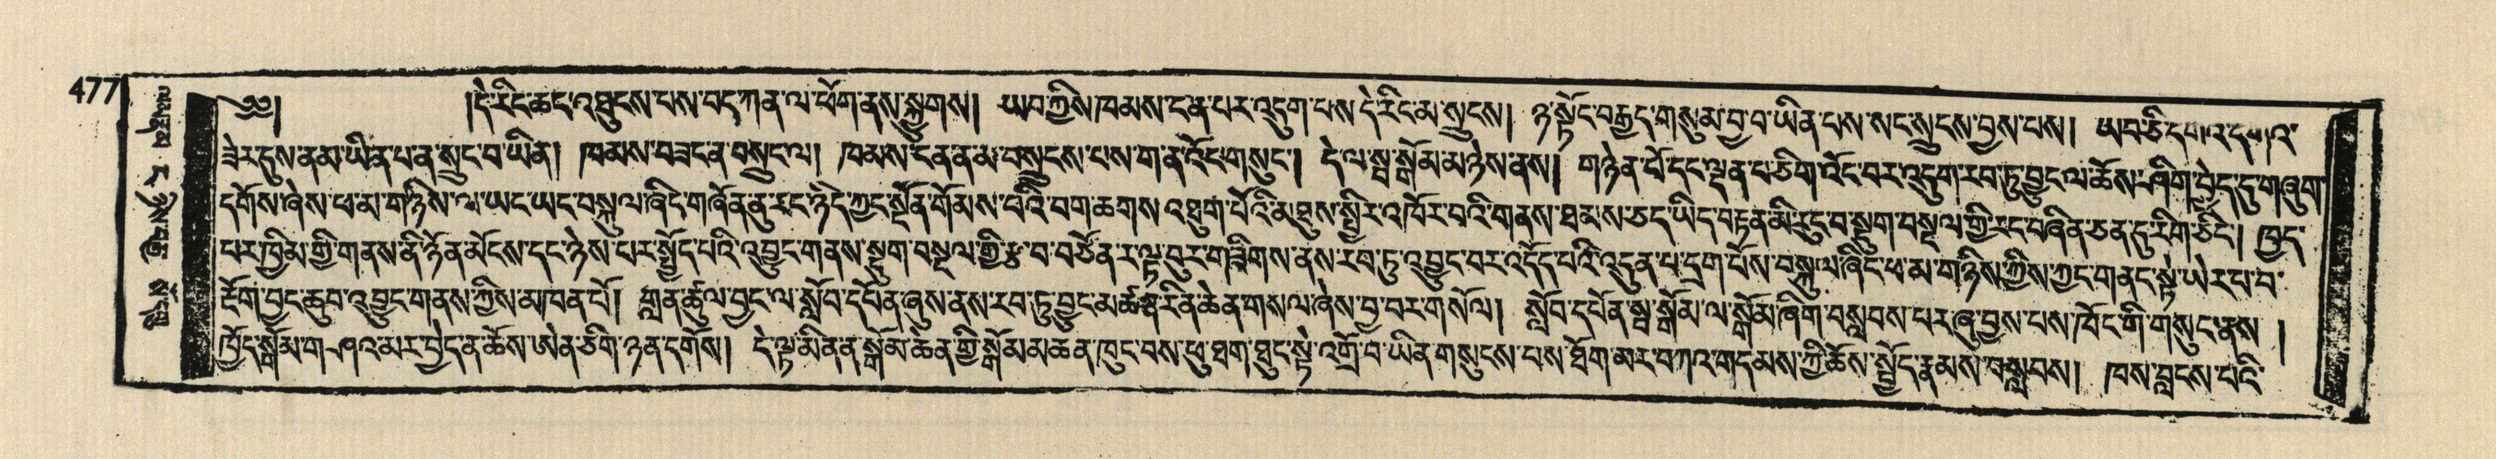༄༅། །དེ་རིང་ཆང་འཐུངས་པས་བད་ཀན་ལ་ཕོག་ནས་སྐྱུགས། ཡབ་ཀྱིས་ཁམས་ངན་པར་འདུག་པས་དེ་རིང་མ་སྲུངས། ཉ་སྟོང་བརྒྱད་གསུམ་བྱ་བ་ཡིན་པས་སང་སྲུངས་བྱས་པས། ཡབ་ཅི་དགའ་དགའ་
ཟེར་དུས་ནམ་ཡིན་པ་ན་སྲུང་བ་ཡིན། ཁམས་བཟང་ན་བསྲུང་ལ། ཁམས་ངན་ན་མ་བསྲུངས་པས་ག་ན་འོང་གསུང་། དེ་ལ་སྦ་སྒོམ་མཉེས་ནས། གཉེན་པོ་དང་ལྡན་པ་ཅིག་འོང་བར་འདུག་རབ་ཏུ་བྱུང་ལ་ཆོས་ཤིག་བྱེད་དུ་གཞུག་
དགོས་ཞེས་ཕ་མ་གཉིས་ལ་ཡང་ཡང་བསྐུལ་ཞིང་གཞོན་ནུ་རང་ཉིད་ཀྱང་སྔོན་གོམས་པའི་བག་ཆགས་འཐུག་པོའི་མཐུས་སྤྱིར་འཁོར་བའི་གནས་ཐམས་ཅད་ཡིད་བརྟན་མི་རུང་བ་སྡུག་བསྔལ་གྱི་རང་བཞིན་ཅན་དུ་རིག་ཅིང་། ཁྱད་
པར་ཁྱིམ་གྱི་གནས་ནི་ཉོན་མོངས་དང་ཉེས་པར་སྤྱོད་པའི་འབྱུང་གནས་སྡུག་བསྔལ་གྱི་རྩ་བ་བརྩོན་ར་ལྟ་བུར་གཟིགས་ནས་རབ་ཏུ་འབྱུང་བར་འདོད་པའི་འདུན་པ་དྲག་པོས་བསྐུལ་ཞིང་ཕ་མ་གཉིས་ཀྱིས་ཀྱང་གནང་སྟེ་ཡེར་པ་བ་
རྔོག་བྱང་ཆུབ་འབྱུང་གནས་ཀྱིས་མཁན་པོ། གླན་ཚུལ་བྱང་ལ་སློབ་དཔོན་ཞུས་ནས་རབ་ཏུ་བྱུང་མཚན་རིན་ཆེན་གསལ་ཞེས་བྱ་བར་གསོལ། སློབ་དཔོན་སྦ་སྒོམ་ལ་སྒོམ་ཞིག་བསླབས་པར་ཞུ་བྱས་པས་ཁོང་གི་གསུང་ནས།
ཁྱོད་སྒོམ་གཤའ་མར་བྱེད་ན་ཆོས་ཨེན་ཅིག་ཉན་དགོས། དེ་ལྟ་མིན་ན་སྒོམ་ཆེན་གྱི་སྒོམ་མཆན་ཁུང་བས་ཕུ་ཐག་ཐུང་སྟེ་འགྲོ་བ་ཡིན་གསུངས་པས་ཐོག་མར་བཀའ་གདམས་ཀྱི་ཆོས་སྤྱོད་རྣམས་བསླབས། ཁས་བླངས་པའི་